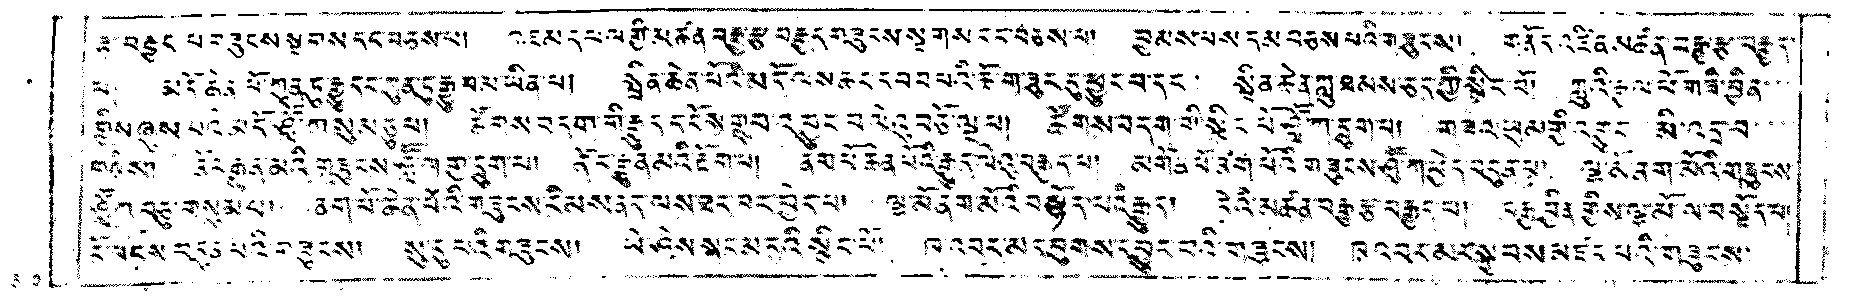རྩ་བརྒྱད་པ་གཟུངས་སྔགས་དང་བཅས་པ། འཇམ་དཔལ་གྱི་མཚན་བརྒྱ་རྩ་བརྒྱད་གཟུངས་སྔགས་དང་བཅས་པ། བྱམས་པས་དམ་བཅས་པའི་གཟུངས། གནོད་འཛིན་མཚན་བརྒྱ་རྩ་བརྒྱད་
པ༑ མདོ་ཆེན་པོ་ཀུན་ཏུ་རྒྱུ་དང་ཀུན་ཏུ་རྒྱུ་བ་མ་ཡིན་པ། སྤྲིན་ཆེན་པོའི་མདོ་ལས་ཆར་དབབ་པའི་ཆོ་ག་ཟུར་དུ་ཕྱུང་བ་དང་། སྤྲིན་ཆེན་ཀླུ་ཐམས་ཅད་ཀྱི་སྙིང་པོ། ཀླུའི་རྒྱལ་པོ་གཟི་བྱིན་
གྱིས་ཞུས་པའི་མདོ་ཤླཽ་ཀ་སུམ་ཅུ་པ། ཚོགས་བདག་གི་རྒྱུད་དངོས་གྲུབ་འབྱུང་བ་ལེའུ་བཅོ་ལྔ་པ། ཚོགས་བདག་གི་སྙིང་པོ་ཤླཽ་ཀ་དྲུག་པ། གཟའ་ཡུམ་གྱི་འགྱུར་མི་འདྲ་བ་
གཉིས། ནོར་རྒྱུན་མའི་གཟུངས་ཤླཽ་ཀ་གྱ་དྲུག་པ། ནོར་རྒྱུན་མའི་རྟོག་པ། ནག་པོ་ཆེན་པོའི་རྒྱུད་ལེའུ་བརྒྱད་པ། མགོན་པོ་ནག་པོའི་གཟུངས་ཤླཽ་ཀ་ཕྱེད་བདུན་པ། ལྷ་མོ་ནག་མོའི་གཟུངས་
ཤླཽ་ཀ་བཅུ་གསུམ་པ། ནག་པོ་ཆེན་པོའི་གཟུངས་རིམས་ནད་ལས་ཐར་པར་བྱེད་པ། ལྷ་མོ་ནག་མོའི་བསྟོད་པའི་རྒྱུད། དེའི་མཚན་བརྒྱ་རྩ་བརྒྱད་པ། བརྒྱ་བྱིན་གྱིས་ལྷ་མོ་ལ་བསྟོད་པ།
རོ་ལངས་བདུན་པའི་གཟུངས། སུ་རུ་པའི་གཟུངས། ཡེ་ཤེས་སྐར་མདའི་སྙིང་པོ། ཁ་འབར་མ་དབུགས་དབྱུང་བའི་གཟུངས། ཁ་འབར་མར་སྐྱབས་མཛད་པའི་གཟུངས།